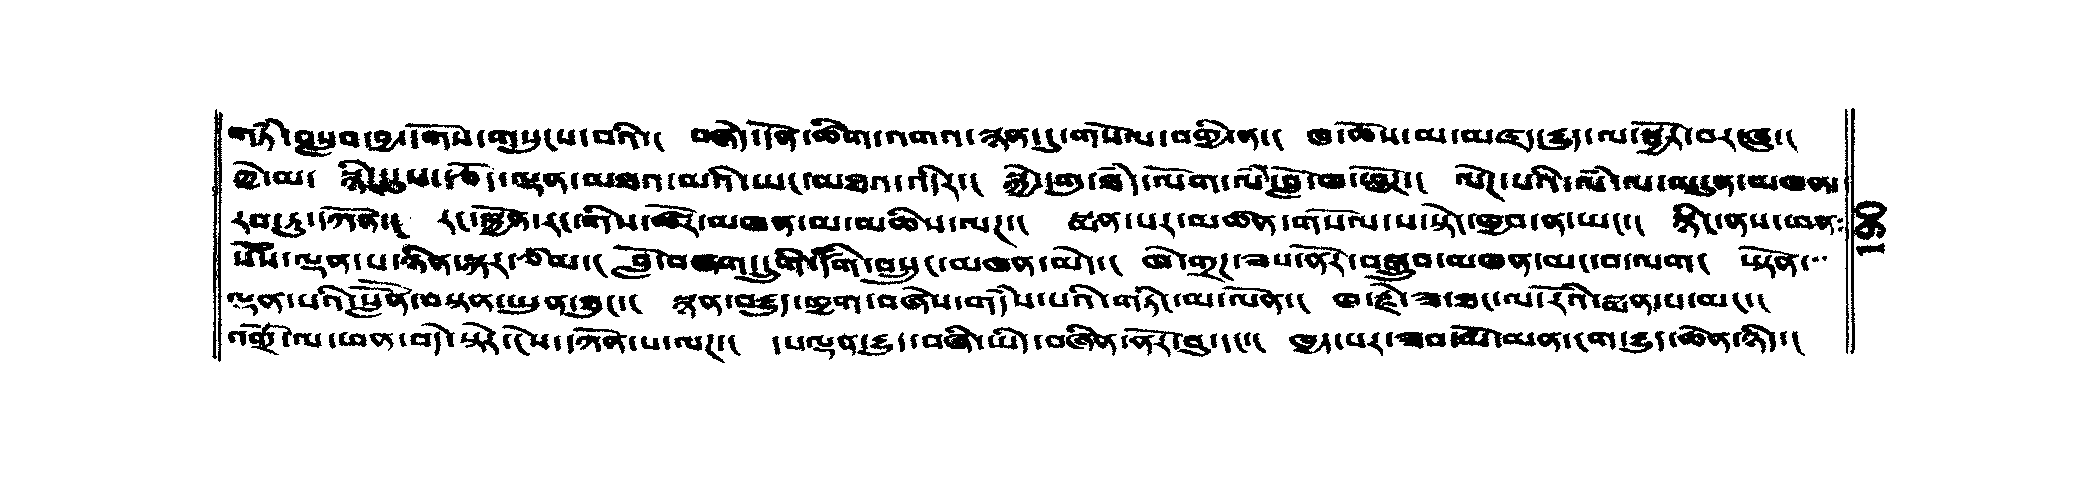གཏམ་བསླབ་བྱ་དགོས་གསུངས་བའི། །བཞེད་དོན་ཚིག་འགའ་སྙན་དུ་གསོལ་བགྱི་ན། །ཁ་ཆོས་མ་མཛད་རྒྱུད་ལ་སྦྱོར་བར་ཞུ། 
ཀྱེ་མ། སྙིགས་དུས་རྩོད་ལྡན་མཐའ་མའི་ཡང་མཐའ་འདིར། །སྐྱེ་རྒུ་ཐམས་ཅད་ལོག་ལམ་བློ་ཁ་ཕྱོགས། །ལེགས་པའི་ལམ་ལ་མདུན་མཁན་
རབ་ཏུ་དཀོན། །རང་སྐྱོན་རང་གིས་ཚོར་མཁན་མ་མཆིས་ལགས། །སྨན་པར་མཚན་གསོལ་ས་སྟེང་ཁྱབ་ན་ཡང་། །སྙིང་ནས་ཕན་
སེམས་ལྡན་པ་ཉིན་སྐར་ཙམ། བློ་ཞག་དྲུག་གི་དམ་ཚིག་བསྲུང་མཁན་མེད། །ཁེ་གྲགས་ཟས་ནོར་བསྒྲུབ་མཁན་མང་བ་ལགས། །ཡོན་ཏན་
ལྡན་པའི་སློབ་དཔོན་བསྟན་ཡུན་ཐུང་། །སྙན་བརྒྱུད་ཕྱག་བཞེས་གདམས་པའི་གཏིང་མ་ལོན། །ཁ་རྗེ་ཟ་ཐང་ལ་རེའི་སྨན་པ་མང་། །
འགྲོ་ལ་ཕན་བདེ་སྟེར་ངེས་དཀོན་པ་ལགས། །དཔལ་ལྡན་རྒྱུད་བཞི་ཡིད་བཞིན་ནོར་བུ་དང་། །ཁྱད་པར་ཟབ་མོ་མན་ངག་རྒྱུད་ཆེན་ཉིད།